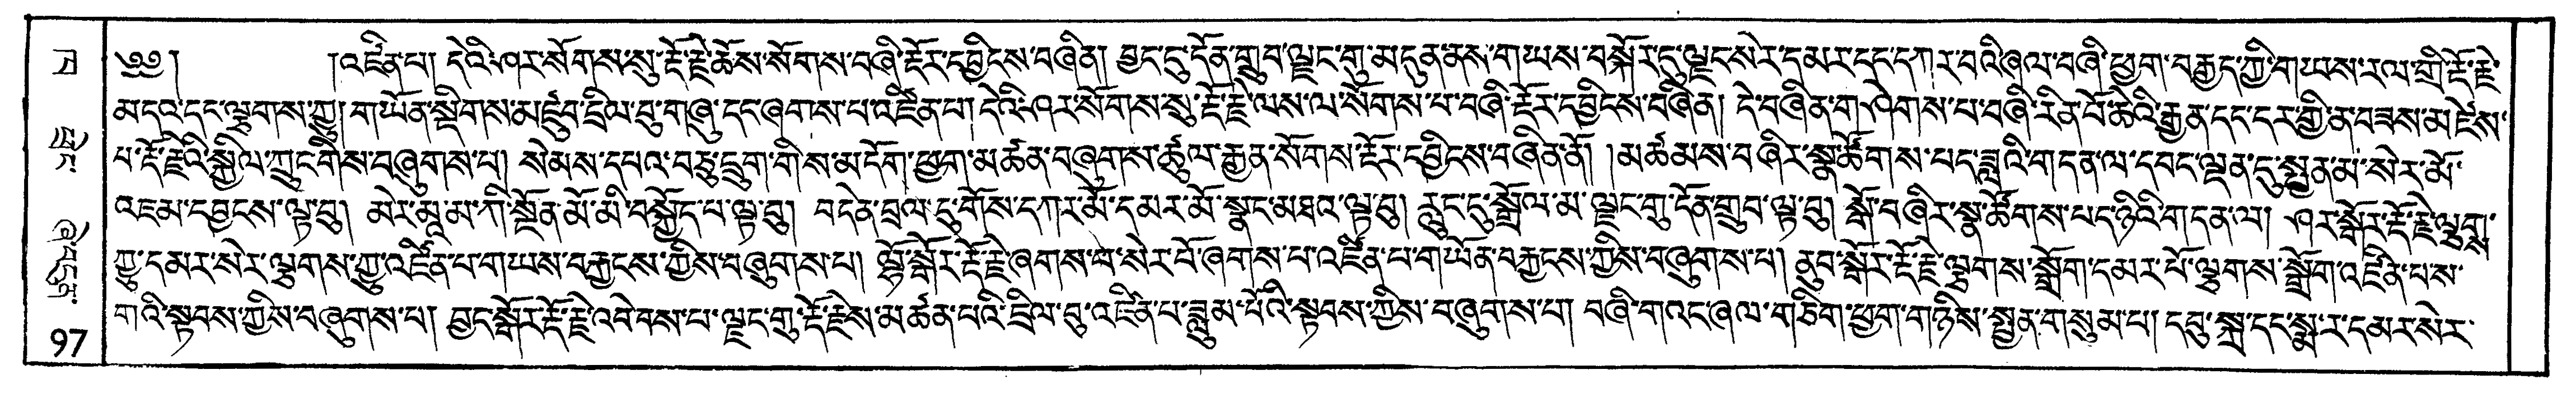༄༅། །འཛིན་པ། དེའི་ཤར་སོགས་སུ་རྡོ་རྗེ་ཆོས་སོགས་བཞི་རྡོར་དབྱིངས་བཞིན། བྱང་དུ་དོན་གྲུབ་ལྗང་གུ་མདུན་ནས་གཡས་བསྐོར་དུ་ལྗང་སེར་དམར་དང་དཀར་བའི་ཞལ་བཞི་ཕྱག་བརྒྱད་ཀྱི་གཡས་རལ་གྲི་རྡོ་རྗེ་
མདའ་དང་ལྕགས་ཀྱུ། གཡོན་སྡིགས་མཛུབ་དྲིལ་བུ་གཞུ་དང་ཞགས་པ་འཛིན་པ། དེའི་ཤར་སོགས་སུ་རྡོ་རྗེ་ལས་ལ་སོགས་པ་བཞི་རྡོར་དབྱིངས་བཞིན། དེ་བཞིན་གཤེགས་པ་བཞི་རིན་པོ་ཆེའི་རྒྱན་དང་དར་གྱི་ན་བཟས་མཛེས་
པ་རྡོ་རྗེའི་སྐྱིལ་ཀྲུང་གིས་བཞུགས་པ། སེམས་དཔའ་བཅུ་དྲུག་གིས་མདོག་ཕྱག་མཚན་བཞུགས་ཚུལ་རྒྱན་སོགས་རྡོར་དབྱིངས་བཞིན་ནོ། །མཚམས་བཞིར་སྣ་ཚོགས་པད་ཟླའི་གདན་ལ་དབང་ལྡན་དུ་སྤྱན་མ་སེར་མོ་
འཇམ་དབྱངས་ལྟ་བུ། མེར་མཱ་མ་ཀི་སྔོན་མོ་མི་བསྐྱོད་པ་ལྟ་བུ། བདེན་བྲལ་དུ་གོས་དཀར་མོ་དམར་མོ་སྣང་མཐའ་ལྟ་བུ། རླུང་དུ་སྒྲོལ་མ་ལྗང་གུ་དོན་གྲུབ་ལྟ་བུ། སྒོ་བཞིར་སྣ་ཚོགས་པད་ཉིའི་གདན་ལ། ཤར་སྒོར་རྡོ་རྗེ་ལྕགས་
ཀྱུ་དམར་སེར་ལྕགས་ཀྱུ་འཛིན་པ་གཡས་བརྐྱངས་ཀྱིས་བཞུགས་པ། ལྷོ་སྒོར་རྡོ་རྗེ་ཞགས་པ་སེར་པོ་ཞགས་པ་འཛིན་པ་གཡོན་བརྐྱངས་ཀྱིས་བཞུགས་པ། ནུབ་སྒོར་རྡོ་རྗེ་ལྕགས་སྒྲོག་དམར་པོ་ལྕགས་སྒྲོག་འཛིན་པ་ས་
གའི་སྟབས་ཀྱིས་བཞུགས་པ། བྱང་སྒོར་རྡོ་རྗེ་འབེབས་པ་ལྗང་གུ་རྡོ་རྗེས་མཚན་པའི་དྲིལ་བུ་འཛིན་པ་ཟླུམ་པོའི་སྟབས་ཀྱིས་བཞུགས་པ། བཞི་གའང་ཞལ་གཅིག་ཕྱག་གཉིས་སྤྱན་གསུམ་པ། དབུ་སྐྲ་དང་སྨ་ར་དམར་སེར་